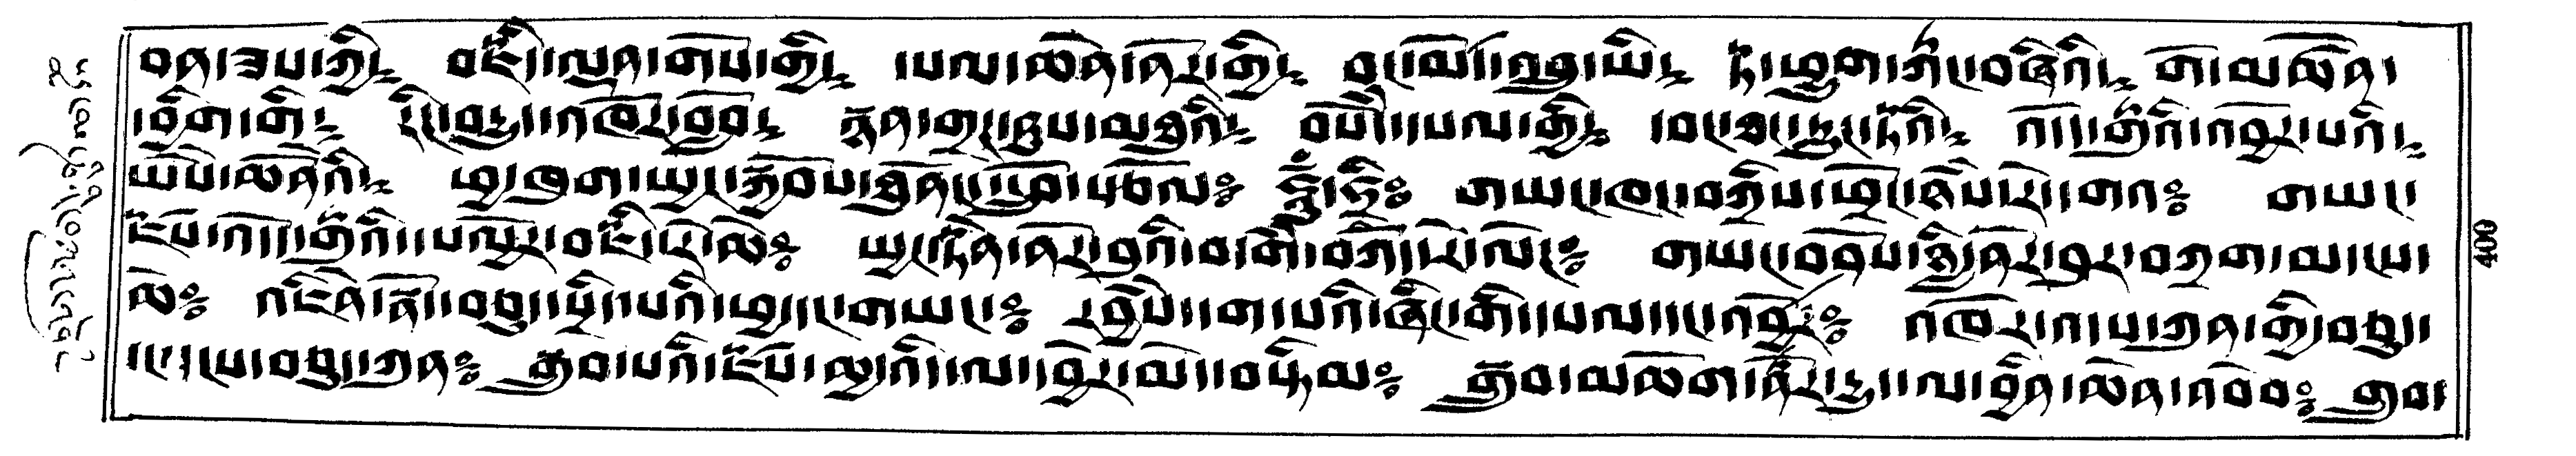ཆེན་ཟས་ཀྱི༴ བརྗིད་ལྡན་གོས་གྱི༴ དཔལ་ཆེན་ནོར་གྱི༴ བང་མཛོད་འབྲུ་ཡི༴ རྟ་ཕྱུགས་རྐང་བཞིའི༴གོ་མཚོན་
དབྱིག་གི༴ རིགས་བརྒྱུད་འཁོར་སློབ༴ སྙན་གྲགས་ནུས་མཐུའི༴ བསོད་ནམས་དཔལ་གྱི༴ དབང་ཐང་རླུང་རྟའི༴ འདོད་རྒུའི་འབྱོར་པའི༴ 
ཡེ་ཤེས་ཆེན་པོའི༴ ཕྱྭ་ཁུག་གཡང་སྐྱོབས་ཐུན་མོང་དངོས་གྲུབ་སྩོལ༔ ཧཱུྃ་ཧྲཱི༔ གཡང་ཁང་བཀྲ་ཤིས་ཕོ་བྲང་ཉམས་རེ་དགའ༔ གཡང་
རྫས་འདོད་རྒུའི་དཔལ་འབྱོར་བརྗིད་རེ་ཆེ༔ གཡང་རྟེན་ནོར་བུའི་བ་གམ་བཀོད་རེ་ལེགས༔ གཡང་བཤོས་ཉི་ཟླ་ནོར་བུ་བཀྲག་མདངས་
ཆེ༔ འཇིག་རྟེན་སྣོད་བཅུད་སྲིད་པའི་ཕྱྭ་དང་གཡང༔ རབ་འབྱམས་དག་པའི་ཞིང་གི་དཔལ་དང་འབྱོར༔ འཁོར་འདས་ཀུན་ཀྱི་བཅུད་
དང་དྭངས་བཅུད་ཀུན༔ སྒྲུབ་པའི་རྫས་མཆོག་འདི་ལ་དབྱེར་མེད་བསྟིམ༔ སྒྲུབ་མཆོག་རྣལ་འབྱོར་རྒྱུད་ལ་བྱིན་ཆེན་ཕོབ༔ གྲུབ་